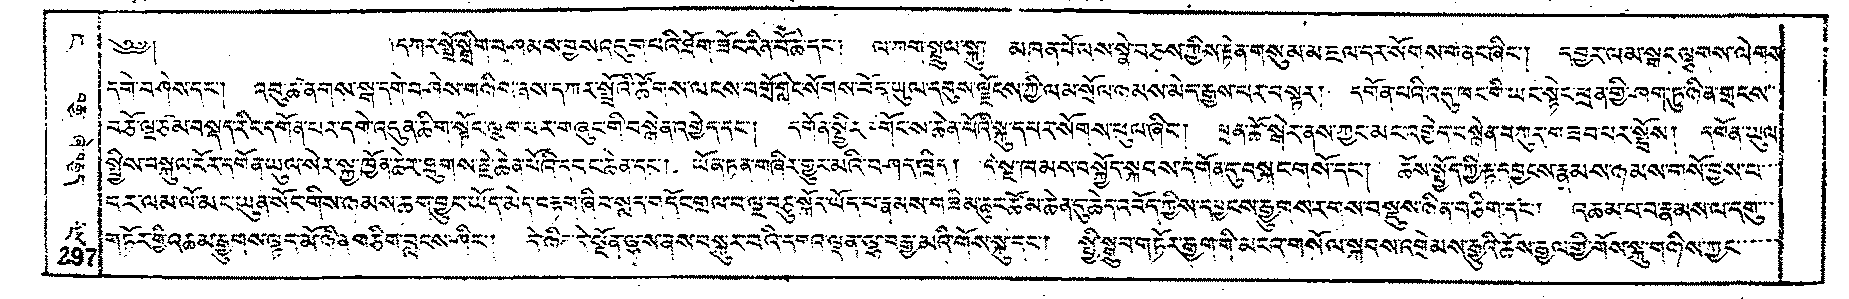༄༅། །དཀར་སྤྲོ་སྒྲིག་བཤམས་བྱས་འདུག་པའི་ཐོག་ཟོང་རིན་པོ་ཆེ་དང་། ལ་ཀག་སྤྲུལ་སྐུ། མཁན་པོ་ལས་སྣེ་བཅས་ཀྱིས་རྟེན་གསུམ་མཇལ་དར་སོགས་གནང་ཞིང་། དབྱར་ལམ་སྒང་ལྕགས་ལེགས་
དགེ་བཤེས་དང་། འབུ་ཚ་ནགས་སྒ་དགེ་བཤེས་གཉིས་ནས་དཀར་སྤྲོའི་ཚོགས་ལངས་བགྲོ་གླེང་སོགས་བོད་ཡུལ་དབུས་ལྗོངས་ཀྱི་ལམ་སྲོལ་ཉམས་མེད་རྒྱས་པར་བསྟར། དགོན་པའི་འདུ་ཁང་གི་ཡང་སྟེང་ཕྲན་གྱི་ཤག་ཏུ་ཉིན་གྲངས་
བཅོ་ལྔ་ཙམ་བསྡད་རིང་དགོན་པར་དགེ་འདུན་ཆིག་སྟོང་ལྷག་པར་གཞུང་གི་བསྙེན་འགྱེད་དང་། དགོན་སྤྱིར་༧གོང་ས་ཆེན་པོའི་སྐུ་དཔར་སོགས་ཕུལ་ཞིང་། ཕྲན་ཚོ་སྒེར་ནས་ཀྱང་མང་འགྱེད་བསྙེན་བཀུར་གཟབ་པར་སྤྲོས། དགོན་ཡུལ་
སྤྱིས་བསྐུལ་ངོར་དགོན་ཡུལ་སེར་སྐྱ་ཁྱོན་ཆེར་ཐུགས་རྗེ་ཆེན་པོའི་དབང་ཆེན་དང་། ཡོན་ཏན་གཞིར་གྱུར་མའི་བཤད་ཁྲིད། དེ་སྔ་ཁམས་བསྐྱོད་སྐབས་དགོན་དུ་བསྐང་གསོ་དང་། ཆོས་སྤྱོད་ཀྱི་རྟ་དབྱངས་རྣམས་ཉམས་གསོ་བྱས་པ་
བར་ལམ་ལོ་མང་ཡུན་སོང་གིས་ཉམས་ཆག་བྱུང་ཡོད་མེད་བརྟག་ཞིབ་སླད་གདོང་གྲལ་བ་ལྔ་བཅུ་སྐོར་ཡོད་པ་རྣམས་གཟིམ་ཆུང་ཚོམ་ཆེན་དུ་ཆེད་འབོད་ཀྱིས་དབྱངས་རྒྱུགས་རགས་བསྡུས་ཉིན་གཅིག་དང་། འཆམ་པ་བ་རྣམས་ལ་དགུ་
གཏོར་གྱི་འཆམ་རྒྱུགས་ལྟད་མོ་ཉིན་གཅིག་བླངས་ཤིང་། དེ་ཉིན་དེ་སྔོན་ལྷ་ས་ནས་བསྐུར་བའི་དགའ་ལྡན་ལྷ་བརྒྱ་མའི་གོས་སྐུ་དང་། སྤྱི་སྒྲུབ་གཏོར་རྒྱག་གི་མངའ་གསོལ་སྐབས་འགྲེམས་རྒྱུའི་ཆོས་རྒྱལ་གྱི་གོས་སྐུ་གཉིས་ཀྱང་